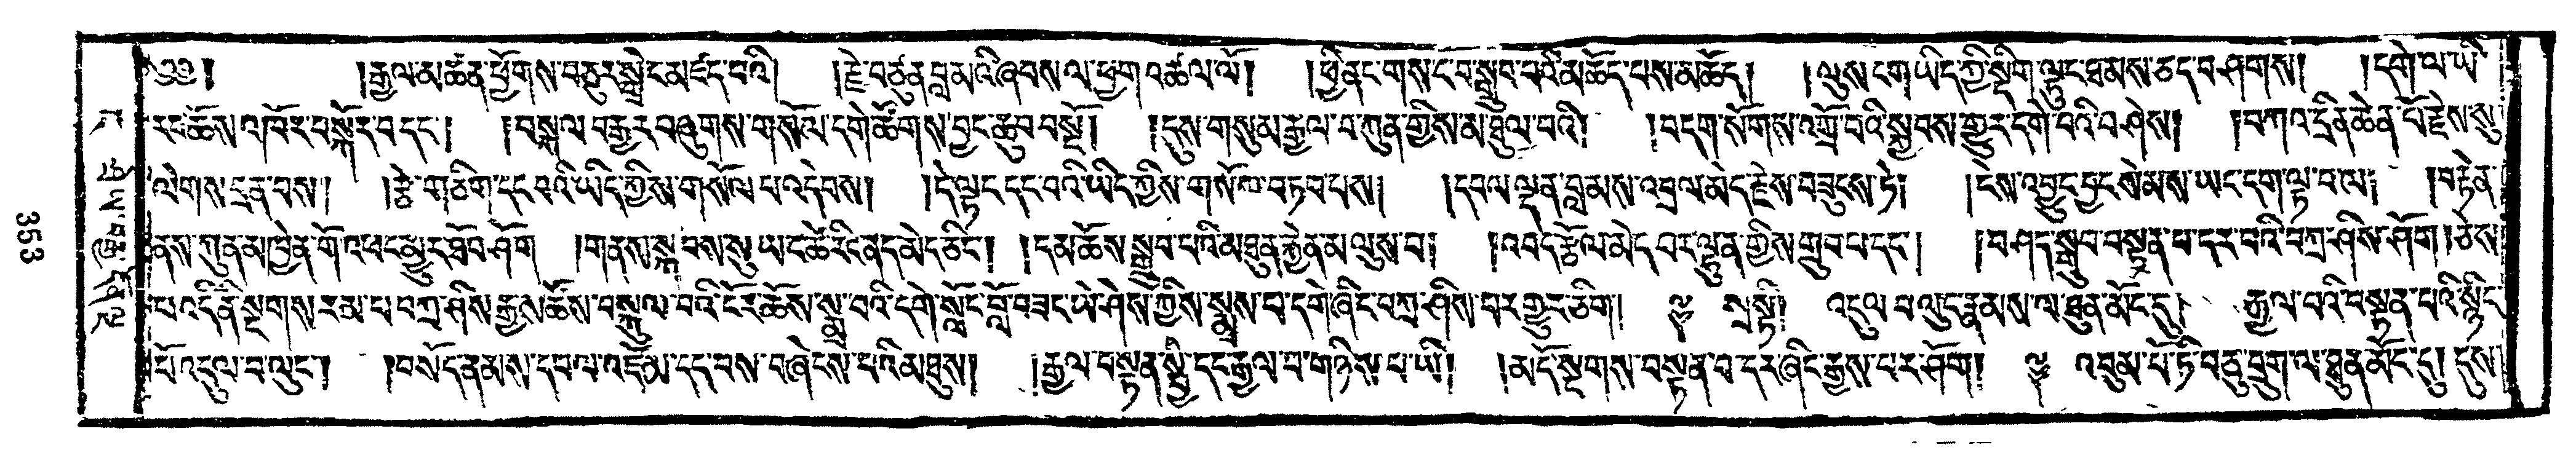༄༅། །རྒྱལ་མཚན་ཕྱོགས་བཅུར་སྒྲེང་མཛད་བའི། །རྗེ་བཙུན་བླ་མའི་ཞབས་ལ་ཕྱག་ཚལ་ལོ། །ཕྱི་ནང་གསང་བ་སྒྲུབ་པའི་མཆོད་པས་མཆོད། །ལུས་ངག་ཡིད་ཀྱི་སྡིག་ལྷུང་ཐམས་ཅད་བཤགས། །དགེ་ལ་ཡི་
རབ་ཆོས་འཁོར་བསྐོར་བ་དང་། །བསྐལ་བརྒྱར་བཞུགས་གསོལ་དགེ་ཚོགས་བྱང་ཆུབ་བསྔོ། །དུས་གསུམ་རྒྱལ་བ་ཀུན་གྱིས་མ་ཐུལ་བའི། །བདག་སོགས་འགྲོ་བའི་སྐྱབས་གྱུར་དགེ་པའི་བཤེས། །བཀའ་དྲིན་ཆེན་པོ་རྗེས་སུ་
ལེགས་དྲན་བས། །རྩེ་གཅིག་དང་བའི་ཡིད་ཀྱིས་གསོལ་པ་འདེབས། །དེ་ལྟང་དང་བའི་ཡིད་ཀྱིས་གསོལ་བཏབ་པས། །དཔལ་ལྡན་བླ་མས་འབྲལ་མེད་རྗེས་བཟུངས་ཏེ། །ངེས་འབྱུང་བྱང་སེམས་ཡང་དག་ལྟ་པ་ལ། །བརྟེན་
ནས་ཀུན་མཁྱེན་གོ་འཕང་མྱུར་ཐོབ་ཤོག །གནས་སྐབས་སུ་ཡང་ཚེ་རིང་ནས་མེད་ཅིང་། །དམ་ཆོས་སྒྲུབ་པའི་མཐུན་རྐྱེན་མ་ལུས་བ། །འབད་རྩོལ་མེད་པར་ལྷུན་གྱིས་གྲུབ་པ་དང་། །བཤད་སྒྲུབ་བསྟན་པ་དར་བའི་བཀྲ་ཤིས་ཤོག །ཅེས་
པ་འདི་ནི་སྔགས་རམ་པ་བཀྲ་ཤིས་རྒྱས་ཚོགས་བསྐུལ་བའི་ངོར་ཆོས་སྨྲ་བའི་དགེ་སློང་བློ་བཟང་ཡེ་ཤེས་ཀྱིས་སྨྲས་བ་དགེ་ཞིང་བཀྲ་ཤིས་པར་གྱུར་ཅིག། ༈ སྲ་སྟི། འདུལ་བ་ལུང་རྣམས་ལ་ཐུན་མོང་དུ། རྒྱལ་བའི་བསྟན་པའི་སྙིང་
པོ་འདུལ་བ་ལུང་། །བསོད་ནམས་དཔལ་འཛོམ་དད་པས་བཞེངས་པའི་མཐུས། །རྒྱལ་བསྟན་སྤྱི་དང་རྒྱལ་པ་གཉིས་པ་ཡི། །མདོ་སྔགས་བསྟན་པ་དར་ཞིང་རྒྱ་པར་ཤོག། ༈ འབུམ་པོ་ཏི་བཅུ་བྲུང་ལ་ཐུན་མོང་དུ། དུས་